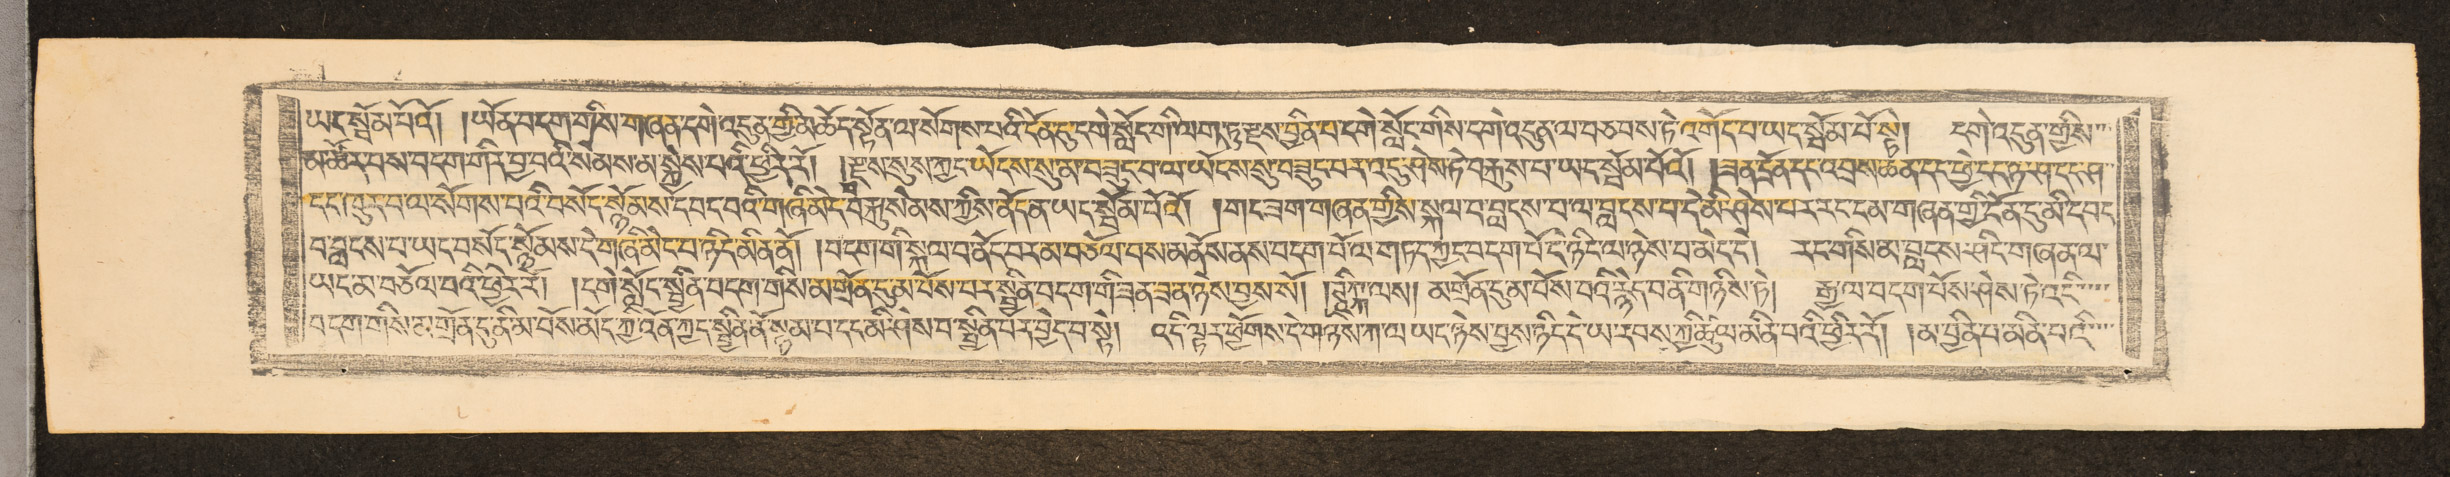ཡང་སྦོམ་པོའོ། །ཡོན་བདག་གིས་གཞན་དགེ་འདུན་གྱི་མཆོད་སྟོན་ལ་སོགས་པའི་དོན་དུ་དགེ་སློང་གི་ལག་ཏུ་རྫས་བྱིན་པ་དགེ་སློང་གིས་དགེ་འདུན་ལ་བཅབས་ཏེ་འགོད་པ་ཡང་སྦོམ་པོ་སྟེ། དགེ་འདུན་གྱིས་
མ་ཚོར་བས་བདག་གིར་བྱ་བའི་སེམས་མ་སྐྱེས་པའི་ཕྱིར་རོ། །རྫས་སུས་ཀྱང་ཡོངས་སུ་མ་བཟུང་བ་ལ་ཡོངས་སུ་བཟུང་བར་འདུ་ཤེས་ཏེ་བརྐུས་པ་ཡང་སྦོམ་པོའོ། །ཟན་དྲོན་དང་འབྲས་ཆན་དང་ཕྱེ་དང་ཉ་ཤ་དང་ཤ་
དང་ཁུར་བ་ལ་སོགས་པའི་བསོད་སྙོམས་དབང་བའི་གཞི་མེད་བརྐུ་སེམས་ཀྱིས་ནོད་ན་ཡང་སྦོམ་པོའོ། །གང་ཟག་གཞན་གྱིས་སྐལ་བ་བླངས་པ་ལ་བླངས་པ་དེ་མི་ཤེས་པར་རང་ངམ་གཞན་གྱི་དོན་དུ་མི་དབང་
བ་བླངས་པ་ཡང་བསོད་སྙོམས་དེ་གཞི་མེད་པ་ཉིད་མིན་ནོ། །བདག་གི་སྐལ་བ་ནོད་པར་མ་བཅོལ་བས་མནོས་ནས་བདག་པོ་ལ་གཏད་ཀྱང་བདག་པོ་དེ་ཉིད་ལ་ཉེས་པ་མེད་དེ། རང་གིས་མ་བླངས་ཤིང་གཞན་ལ་
ཡང་མ་བཅོལ་བའི་ཕྱིར་རོ། །དགེ་སློང་སྦྱིན་བདག་གིས་མགྲོན་དུ་མ་བོས་པར་སྦྱིན་བདག་གི་ཟན་ཟ་ན་ཉེས་བྱས་སོ། །ཊཱིཀྐ་ལས། མགྲོན་དུ་མ་བོས་པའི་རྙེད་པ་ནི་གཉིས་ཏེ། རྒྱ་ལ་བདག་པོས་ཤེས་ཏེ་འདི་
བདག་གིས་མགྲོན་དུ་ནི་མ་བོས་མོད་ཀྱི་འོན་ཀྱང་སྦྱིན་ནོ་སྙམ་པ་དང་མི་ཤེས་པ་སྦྱིན་པར་བྱེད་པ་སྟེ། འདི་ལྟར་ཕྱོགས་དེ་གཉིས་ཀ་ལ་ཡང་ཉེས་བྱས་ཉིད་དེ་ཡ་རབས་ཀྱི་ཚུལ་མིན་པའི་ཕྱིར་རོ། །མ་བྱིན་པ་མིན་པའི་